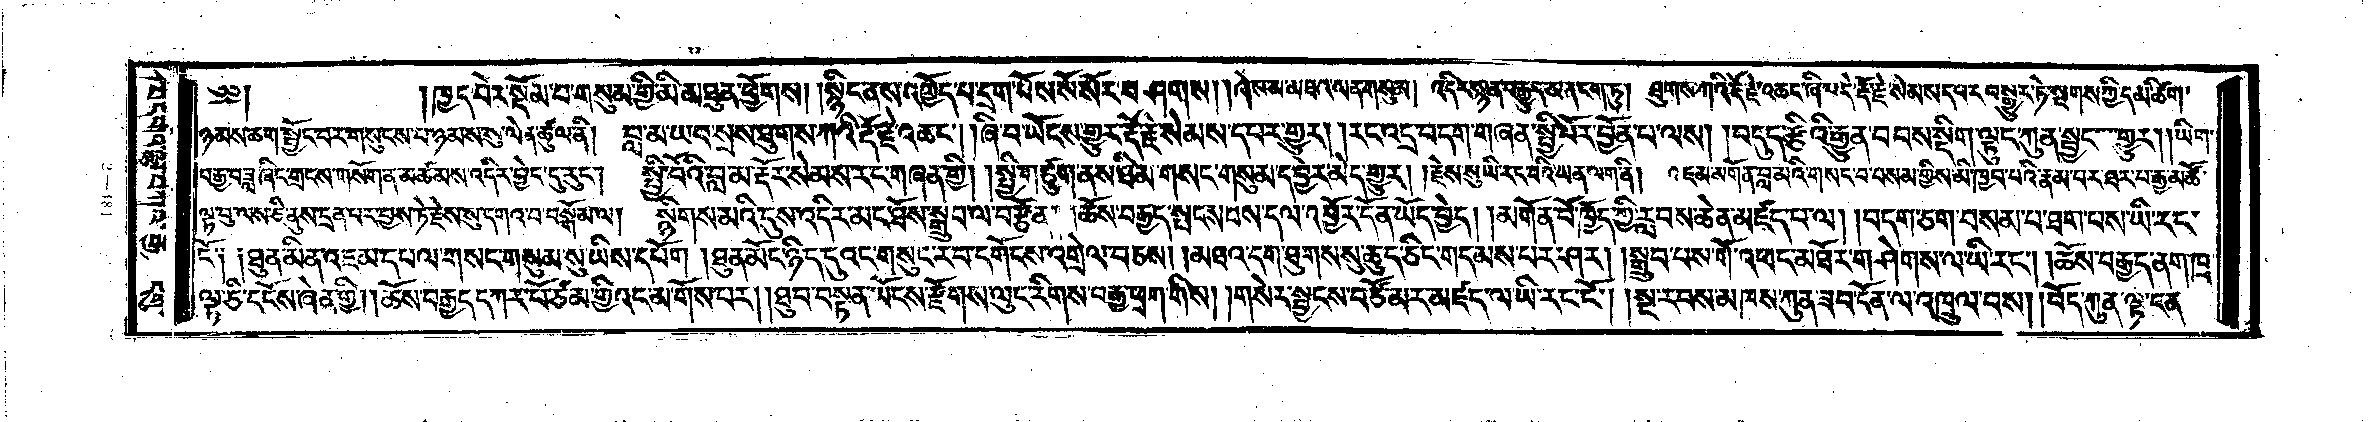༄༅། །ཁྱད་བོར་སྡོམ་པ་གསུམ་གྱི་མི་མཐུན་ཕྱོགས། །སྙིང་ནས་འགྱོད་པ་དྲག་པོས་སོ་སོར་བཤགས། །ཞེས་མ་མཐའ་ལན་གསུམ། །འདིར་སྙན་བརྒྱུད་མན་ངག་ཏུ། །ཐུགས་ཀའི་རྡོ་རྗེ་འཆང་ཞི་བདེ་རྡོ་རྗེ་སེམས་དབང་བསྒྱུར་ཏེ་སྔགས་ཀྱི་དམ་ཚིག་
ཉམས་ཆག་སྦྱོང་བར་གསུངས་པ་ཉམས་སུ་ལེན་ཚུན་ནི། བླ་མ་ཡབ་སྲས་ཐུགས་ཀའི་རྡོ་རྗེ་འཆང་། །ཞི་བ་ཡོངས་གྱུར་རྡོ་རྗེ་སེམས་དཔར་གྱུར། །རང་འདྲ་བདག་གཞན་སྤྱི་བོར་བྱོན་པ་ལས། །བདུད་རྩིའི་རྒྱུན་བབས་སྡིག་ལྟུང་ཀུན་སྦྱང་གྱུར། །ཡིག་
བརྒྱ་བཟླ་ཞིང་གྲངས་གསོག་ན་མཚམས་འདིར་བྱེད་དུ་རུང་། སྤྱི་བོའི་བླ་མ་རྡོར་སེམས་རང་གཞན་གྱི། །སྤྱི་གཙུག་ནས་ཐིམ་གསང་གསུམ་དབྱེར་མེད་གྱུར། །རྗེས་སུ་ཡི་རང་བའི་ཡན་ལག་ནི། འཇམ་མགོན་བླ་མའི་གསང་བ་བསམ་གྱིས་མི་ཁྱབ་བའི་རྣམ་པར་ཐར་པ་རྒྱ་མཚོ་
ལྟ་བུ་ལས་ཅི་ནུས་དྲན་པར་བྱས་ཏེ་རྗེས་སུ་དགའ་བ་བསྒོམ་ལ། སྙིགས་མའི་དུས་འདིར་མང་ཐོས་སྒྲུབ་ལ་བརྩོན། །ཆོས་བརྒྱད་སྤངས་བས་དལ་འབྱོར་དོན་ཡོད་བྱེད། །མགོན་པོ་ཁྱོད་ཀྱི་རླབས་ཆེན་མཛད་པ་ལ། །བདག་ཅག་བསམ་པ་ཐག་པས་ཡི་རང་
ངོ༑ ༑ཐུན་མིན་འཇམ་དཔལ་གསང་གསུམ་སུ་ཡིས་དཔོག །ཐུན་མོང་ཉིད་དུའང་གསུང་རབ་དགོངས་འགྲེལ་བཅས། །མཐའ་དག་ཐུགས་སུ་ཆུད་ཅིང་གདམས་པར་ཤར། །སྒྲུབ་བས་གོ་འཕང་མཐོར་གཤེགས་ལ་ཡི་རང་། །ཆོས་བརྒྱད་ནག་ཁྲ་
ལྟ་ཅིང་དངོས་ཞེན་གྱི། །ཆོས་བརྒྱད་དཀར་པོ་ཙམ་གྱིའང་མ་གོས་པར། །ཐུབ་བསྟན་ཡོངས་རྫོགས་ལུང་རིགས་བརྒྱ་ཕྲག་གིས། །གསེར་སྦྱངས་བཙོ་མར་མཛད་ལ་ཡི་རང་ངོ། །སྔ་རབས་མཁས་ཀུན་ཟབ་དོན་ལ་འཁྲུལ་བས། །བོད་ཀུན་ལྟ་ངན་